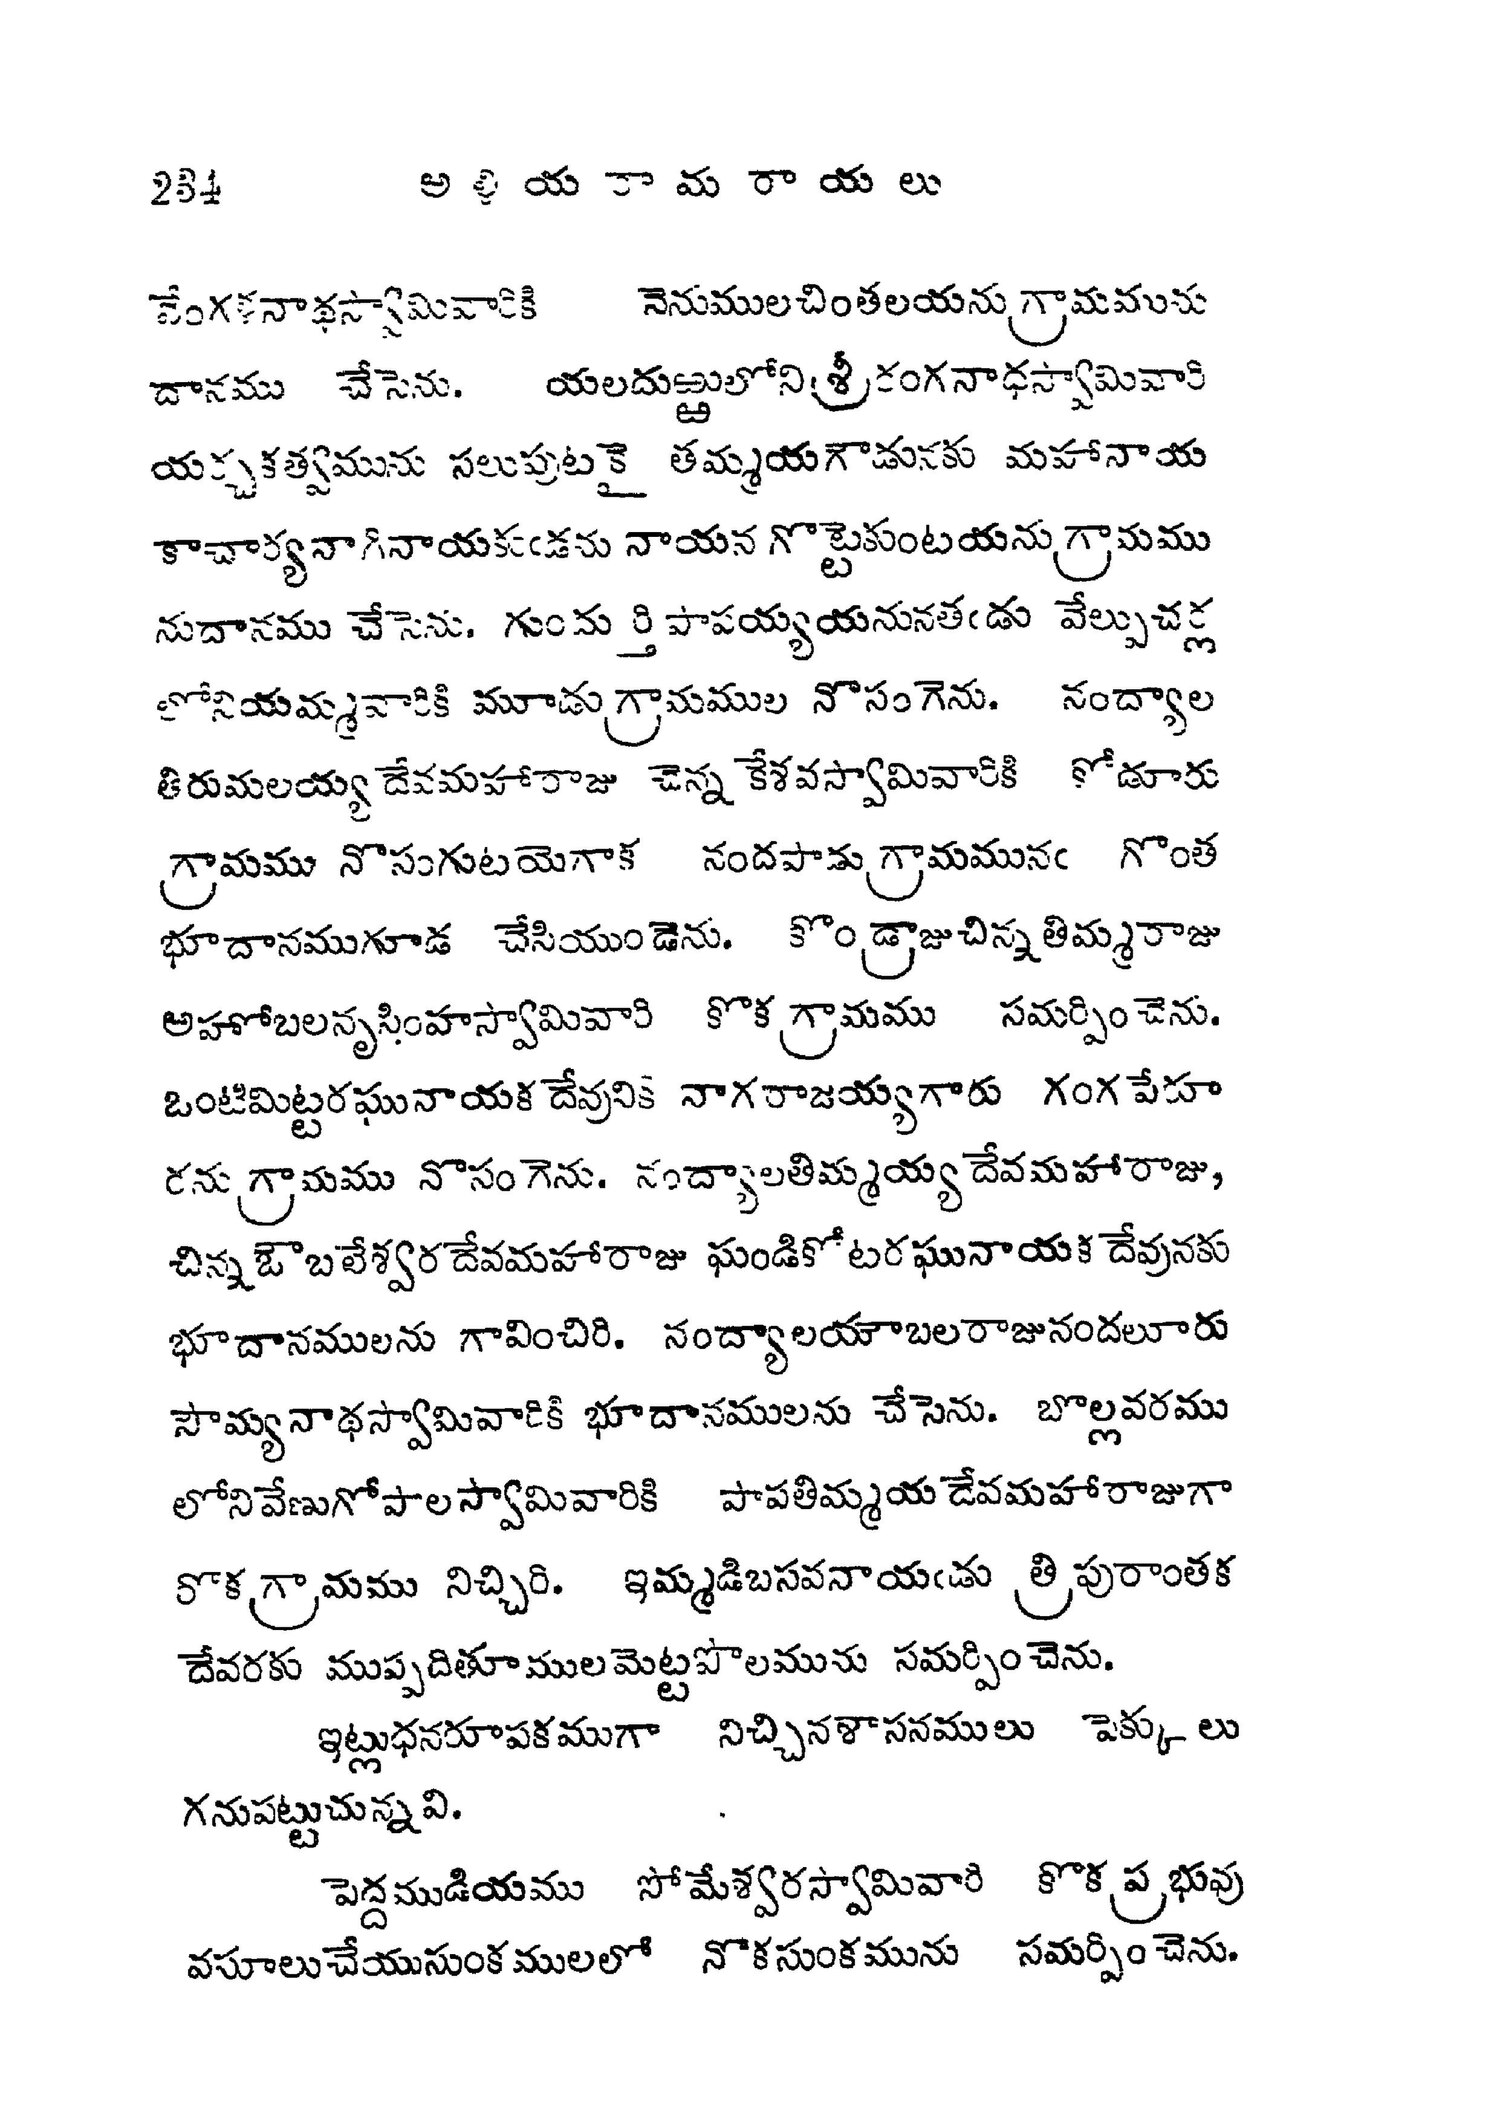వేంగళనాథస్వామివారికి నెనుములచింతలయను గ్రామమును దానము చేసెను. యలదుఱ్ఱులోని శ్రీరంగనాధస్వామివారి యర్చకత్వమును సలుపుటకై తమ్మయగౌడునకు మహానాయకాచార్య నాగినాయకుడును నాయనగొట్టెకుంటయను గ్రామమునుదానము చేసెను. గుందుర్తి పాపయ్యయను నతడు వేల్పుచర్లలోని యమ్మవారికి మూడుగ్రామముల నొసంగెను. నంద్యాల తిరుమలయ్య దేవమహారూజు చెన్నకేశవస్వామివారికి కోడూరుగ్రామము నొసంగుటయెగాక నందపాడుగ్రామమున గొంతభూదానముగూడ చేసియుండెను. కొండ్రాజుచిన్నతిమ్మరాజు అహోబలనృసింహస్వామివారి కొకగ్రామము సమర్పించెను. ఒంటిమిట్టరఘునాయకదేవునికి నాగరాజయ్యగారు గంగపేరూరనుగ్రామము నొసంగెను. నంద్యాలతిమ్మయ్యదేవమహారాజు, చిన్నఔబలేశ్వరదేవమహారాజు ఘండికోటరఘునాయక దేవునకు భూదానములను గావించిరి. నంద్యాలయౌబలరాజు నందలూరు సౌమ్యనాథస్వామివారికి భూదానములను చేసెను. బొల్లవరములోని వేణుగోపాలస్వామివారికి పాపతిమ్మయదేవమహారాజుగారొక గ్రామము నిచ్చిరి. ఇమ్మడిబసవనాయడు త్రిపురాంతకదేవరకు ముప్పదితూముల మెట్టపొలమును సమర్పించెను.

ఇట్లుధనరూపకముగా నిచ్చినశాసనములు పెక్కులు గనుపట్టుచున్నవి.

పెద్దముడియము సోమేశ్వరస్వామివారి కొకొప్రభువు వసూలుచేయుసుంకములలో నొకసుంకమును సమర్పించెను.